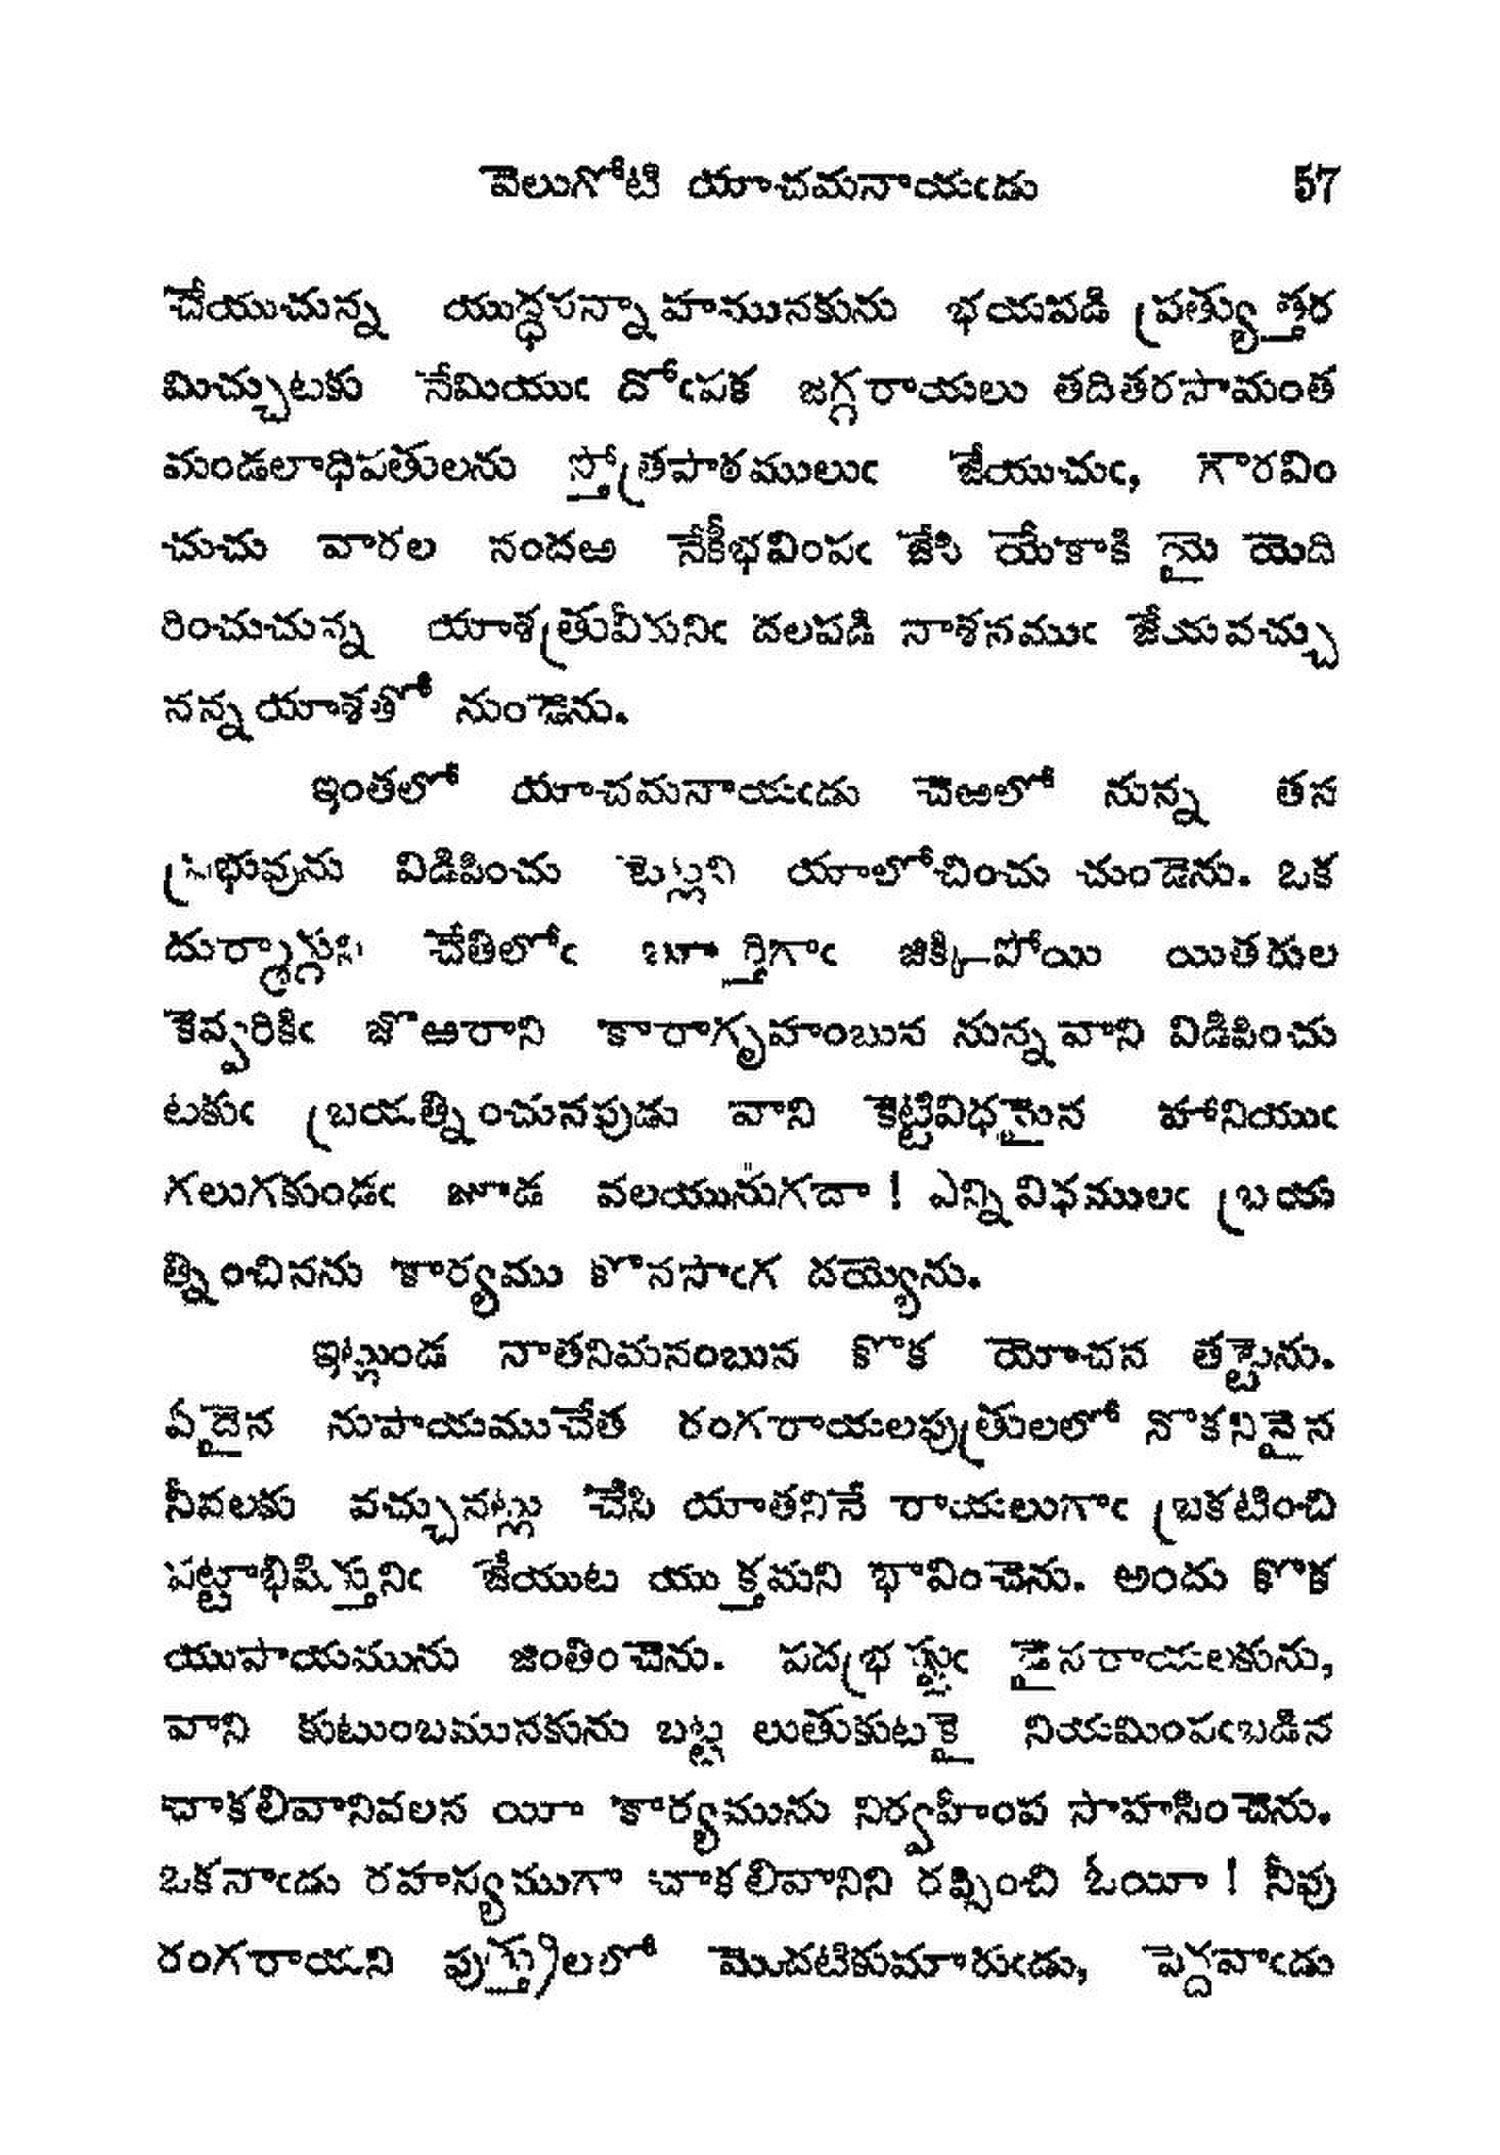చేయుచున్న యుద్ధసన్నాహమునకును భయపడి ప్రత్యుత్తర మిచ్చుటకు నేమియుఁ దోఁపక జగ్గరాయలు తదితరసామంత మండలాధిపతులను స్తోత్రపాఠములుఁ జేయుచుఁ, గౌరవించుచు వారల నందఱ నేకీభవింపఁ జేసి యేకాకి యై యెదిరించుచున్న యాశత్రువీరునిఁ దలపడి నాశనము జేయవచ్చు నన్నయాశతో నుండెను.

ఇంతలో యాచమనాయఁడు చెఱలో నున్న తన ప్రభువును విడిపించు టెట్లని యాలోచించు చుండెను. ఒక దుర్మార్గుని చేతిలోఁ బూర్తిగాఁ జిక్కిపోయి యితరుల కెవ్వరికిఁ జొఱరాని కారాగృహంబున నున్నవాని విడిపించుటకుఁ బ్రయత్నించునపుడు వాని కెట్టివిధమైన హానియుఁ గలుగకుండఁ జూడ వలయునుగదా! ఎన్నివిధములఁ బ్రయత్నించినను కార్యము కొనసాఁగ దయ్యెను.

ఇట్లుండ నాతనిమనంబున కొక యోచన తట్టెను. ఏదైన నుపాయముచేత రంగరాయలపుత్రులలో నొకనినైన నీవలకు వచ్చునట్లు చేసి యాతనినే రాయలుగాఁ బ్రకటించి పట్టాభిషిక్తునిఁ జేయుట యుక్తమని భావించెను. అందు కొక యుపాయమును జింతించెను. పదభ్రష్టుఁ డైనరాయలకును, వాని కుటుంబమునకును బట్ట లుతుకుటకై నియమింపఁబడిన చాకలివానివలన యీ కార్యమును నిర్వహింప సాహసించెను. ఒకనాఁడు రహస్యముగా చాకలివానిని రప్పించి ఓయీ! నీవు రంగరాయని పుత్రులలో మొదటికుమారుఁడు, పెద్దవాఁడు